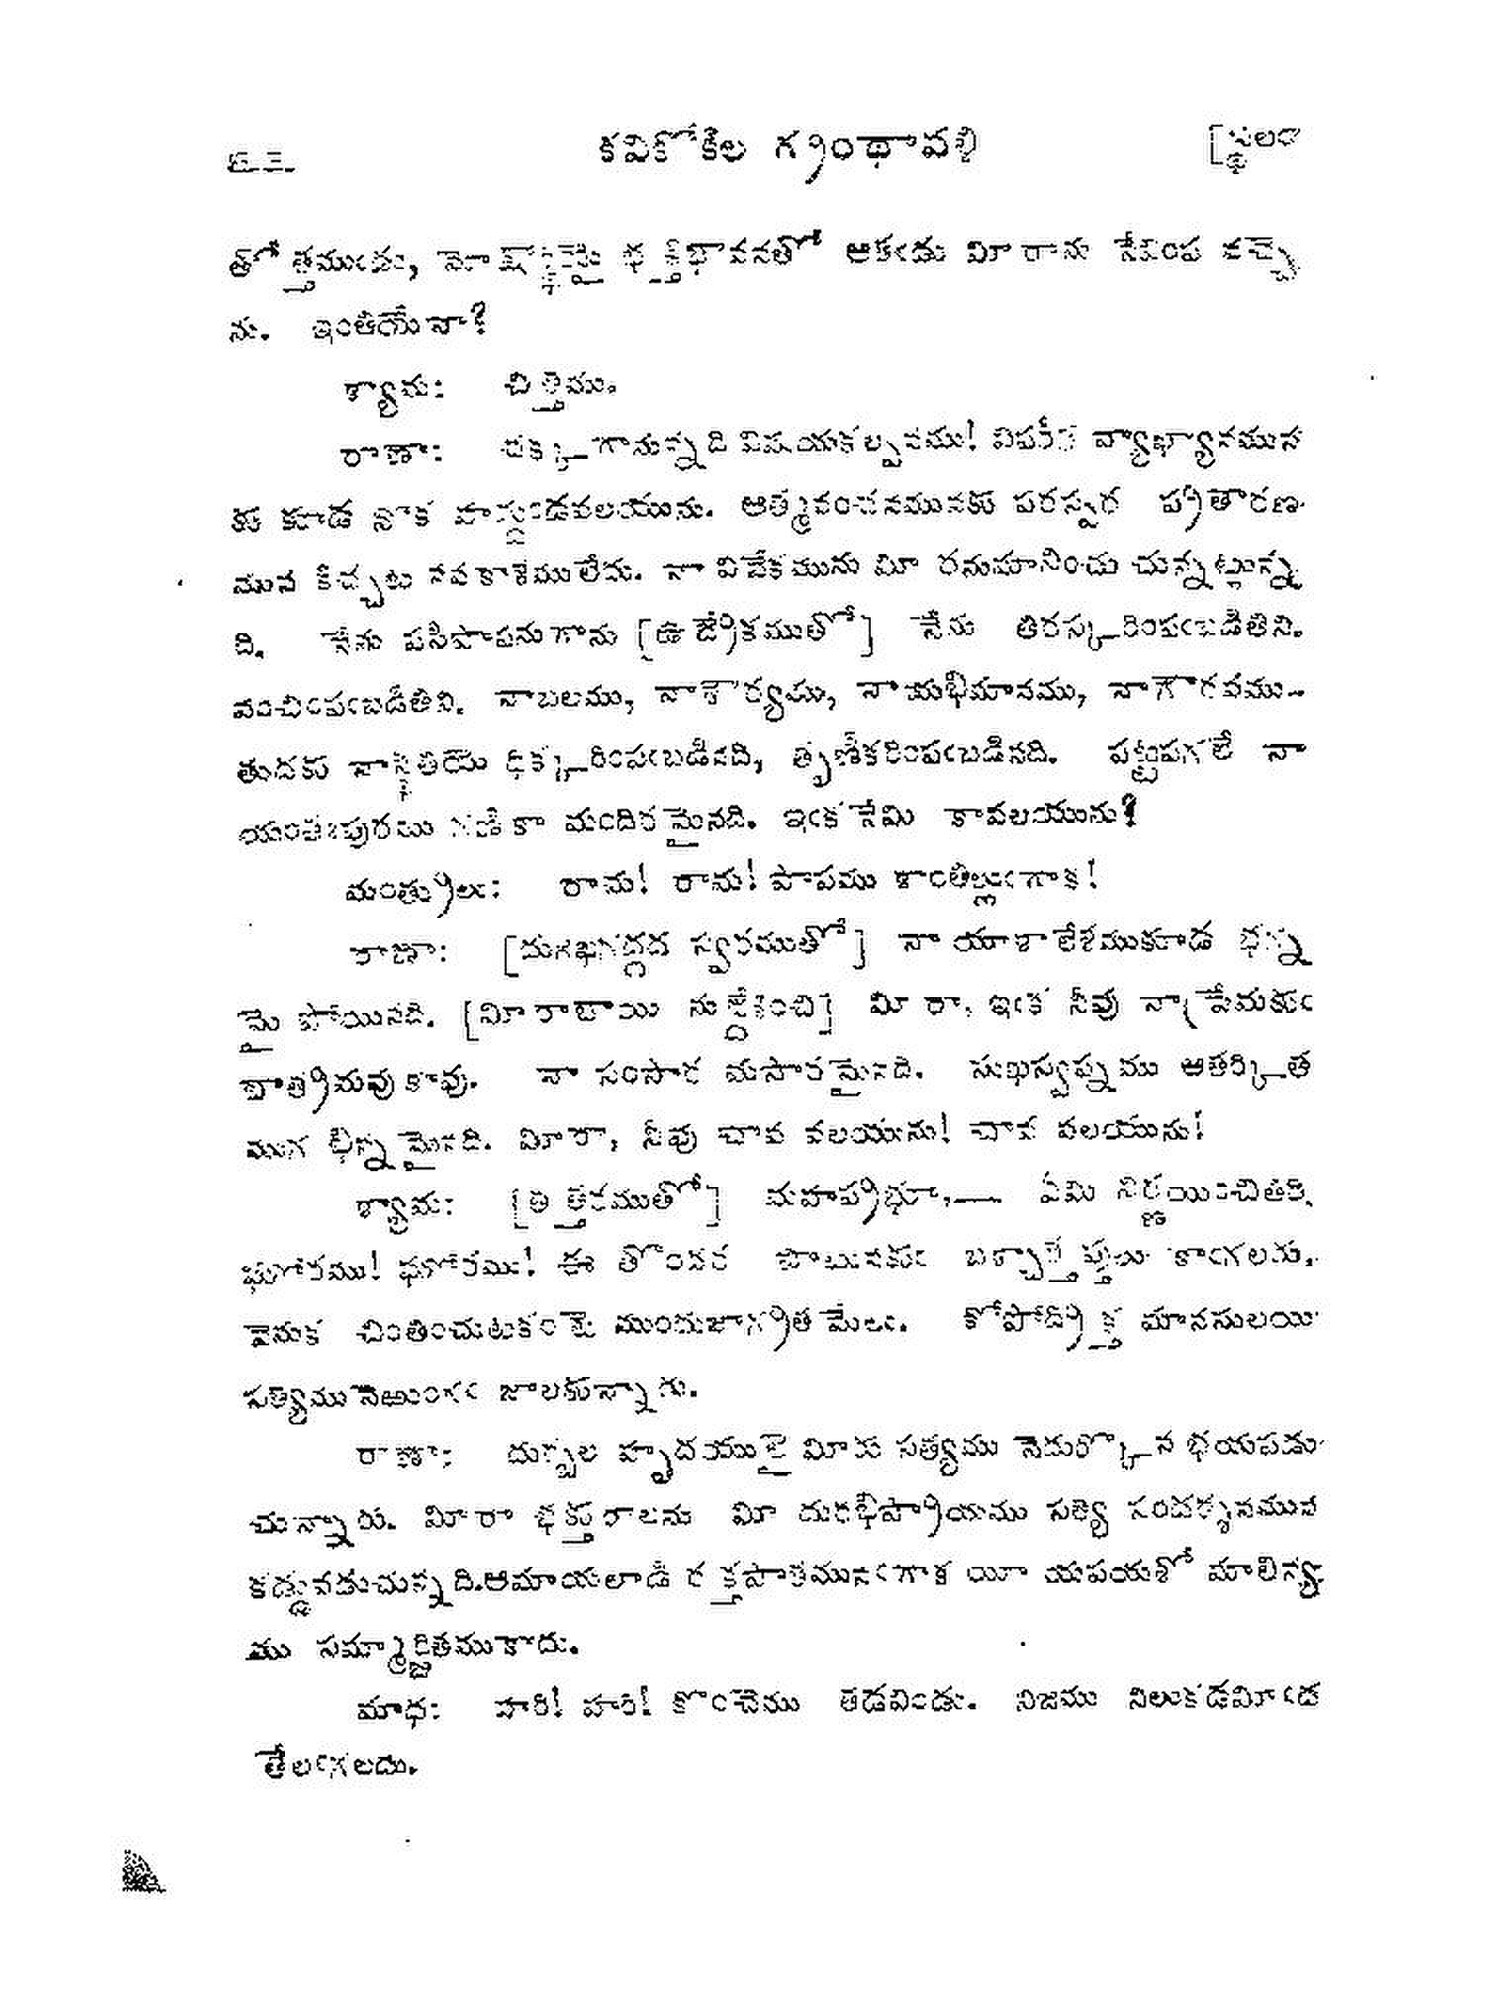తోత్తముఁడు, మోక్షార్థియై భక్తిభావనతో అతఁడు మీరాను సేవింప వచ్చెను. ఇంతియేనా ?

శ్యామ : చిత్తము.

రాణా : చక్కగానున్నది విషయకల్పనము! విపరీత వ్యాఖ్యానమునకు కూడ నొక హద్దుండవలయును. ఆత్మవంచనమునకు పరస్పర ప్రతారణమున కిచ్చట నవకాశములేదు. నా వివేకమును మీ రనుమానించు చున్నట్లున్నది. నేను పసిపాపనుగాను [ఉద్రేకముతో] నేను తిరస్కరింపఁబడితిని. వంచింపఁబడితిని. నాబలము, నాశౌర్యము, నాయభిమానము, నాగౌరవము - తుదకు నాస్థితియె ధిక్కరింపఁబడినది, తృణీకరింపఁబడినది. పట్టపగలే నా యంత:పురము గణికా మందిర మైనది. ఇఁక నేమి కావలయును ?

మంత్రులు : రామ! రామ! పాపము శాంతిల్లుఁగాక ! 

రాణా : [దు:ఖగద్గద స్వరముతో] నా యాశాలేశముకూడ భగ్నమై పోయినది. [మీరాబాయి నుద్దేశించి] మీరా, ఇఁక నీవు నాప్రేమకుఁ బాత్రమవు కావు. నా సంసార మసారమైనది. సుఖస్వప్నము ఆతర్కితముగ భిన్నమైనది. మీరా, నీవు చావ వలయును ! చావ వలయును !

శ్యామ : [తత్తరముతో] మహప్రభూ, - ఏమి నిర్ణయించితిరి. ఘోరము! ఘోరము! ఈ తొందర పాటునకుఁ బశ్చాత్తప్తులు కాఁగలరు. వెనుక చింతించుటకంటె ముందుజాగ్రత మేలు. కోపోద్రిక్త మానసులయి సత్యము నెఱుంగఁ జాలకున్నారు.

రాణా : దుర్బల హృదయులై మీరు సత్యము నెదుర్కొనభయపడుచున్నారు. మీరా భక్తురాలను మీ దురభిప్రాయము సత్య సందర్శనమున కడ్డువడుచున్నది. ఆమాయలాడి రక్తపాతమునఁగాక యీ యపయశో మాలిన్యము సమ్మార్జితముకాదు.

మాధ : హరి! హరి! కొంచెము తడవిండు. నిజము నిలుకడమీఁద తేలఁగలదు.